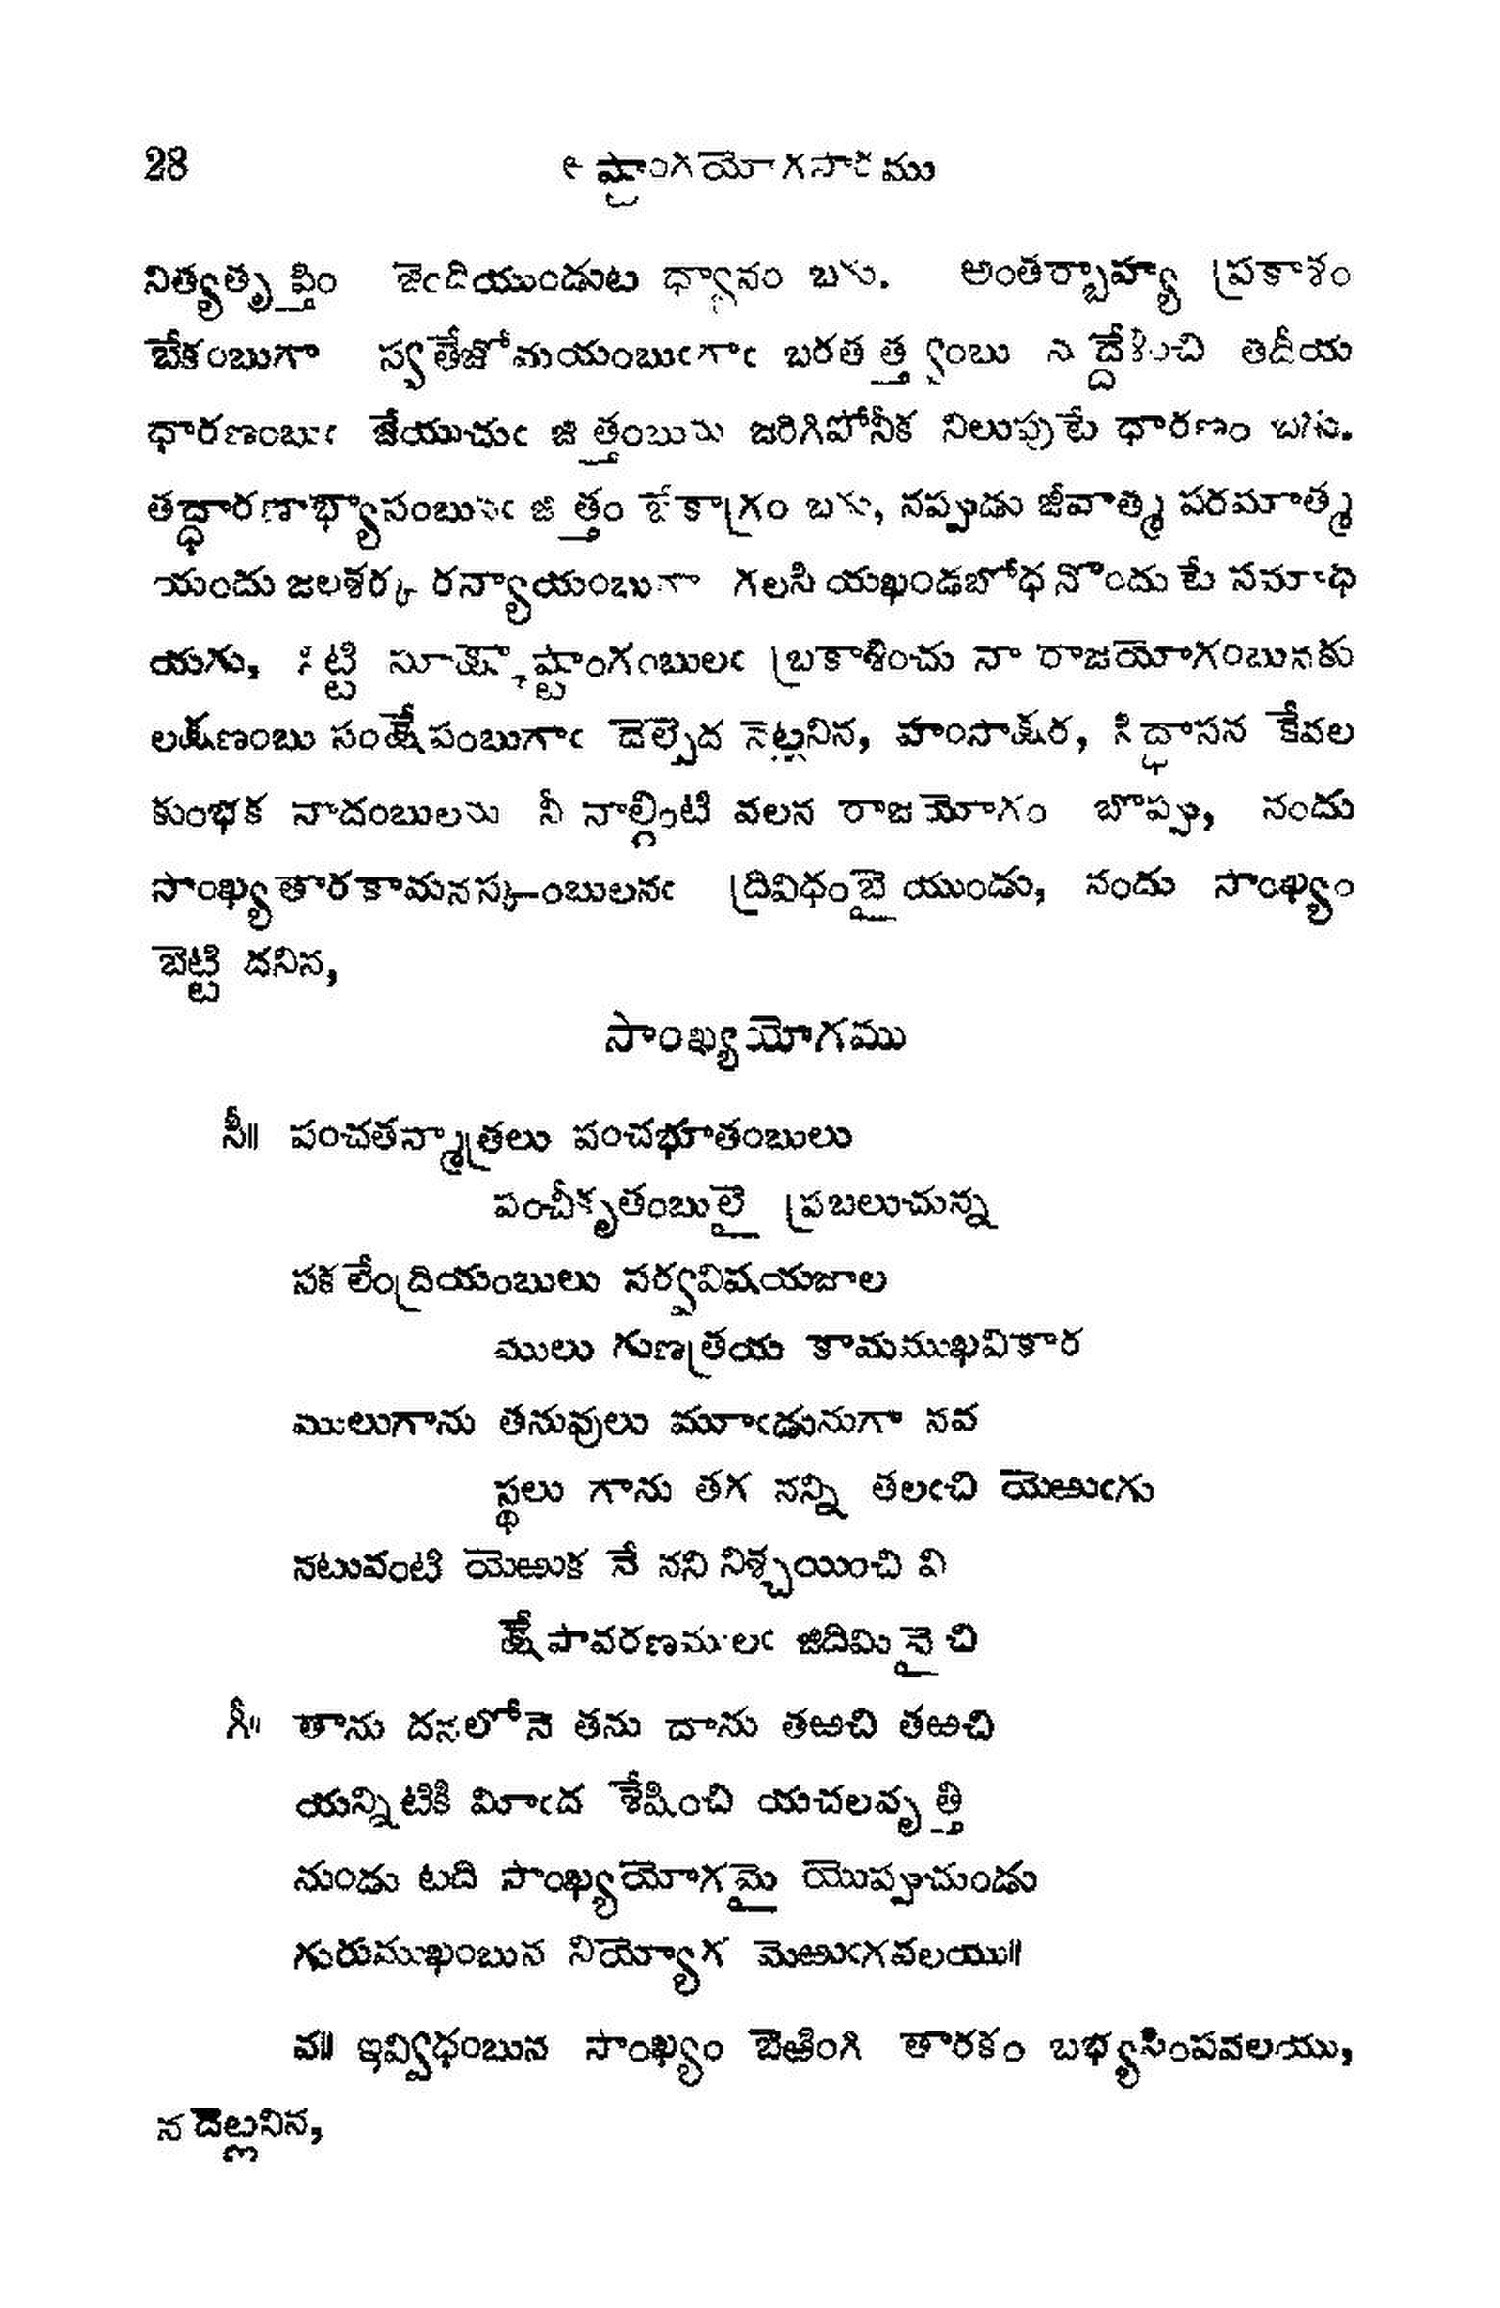నిత్యతృప్తిం జెందియుండుట ధ్యానం బగు. అంతర్బాహ్యప్రకాశం బేకంబుగా స్వతేజోమయంబుఁగాఁ బరతత్త్వంబు నుద్దేశించి తదీయధారణంబుఁ జేయుచుఁ జిత్తంబును జరిగిపోనీక నిలుపుటే ధారణం బగు. తద్ధారణాభ్యాసంబునఁ జిత్తం బేకాగ్రం బగు, నప్పుడు జీవాత్మ పరమాత్మయందు జలశర్కరన్యాయంబుగా గలసి యఖండబోధనొందుటే సమాధియగు, నిట్టి సూక్షాష్టాంగంబులఁ బ్రకాశించు నా రాజయోగంబునకు లక్షణంబు సంక్షేపంబుగాఁ దెల్పెద నెట్లనిన, హంసాక్షర, సిద్ధాసన కేవలకుంభక నాదంబులను నీ నాల్గింటి వలన రాజయోగం బొప్పు, నందు సాంఖ్యతారకామనస్కంబులనం ద్రివిధంబై యుండు, నందు సాంఖ్యం
బెట్టి దనిన,

సీ. పంచతన్మాత్రలు పంచభూతంబులు
 పంచీకృతంబులై ప్రబలుచున్న
 సకలేంద్రియంబులు సర్వవిషయజాల
 ములు గుణత్రయ కామముఖ వికార
 ములుగాను తనువులు మూఁడునుగా నవ
 స్థలు గాను తన నన్ని తలఁచి యెఱుఁగు
 నటువంటి యెఱుక నే నని నిశ్చయించి వి
 క్షేపావరణములఁ జిదిమి వైచి
గీ. తాను దనలోనె తను దాను తఱచి తఱచి
 యన్నిటికి మీఁద శేషించి యచలవృత్తి
 నుండు టది సాంఖ్యయోగమై యొప్పుచుండు
 గురుముఖంబున నియ్యోగ మెఱుఁగవలయు.
వ. ఇవ్విధంబున సాంఖ్యం బెఱింగి తారకం బభ్యసింపవలయు, నదెట్లనిన,